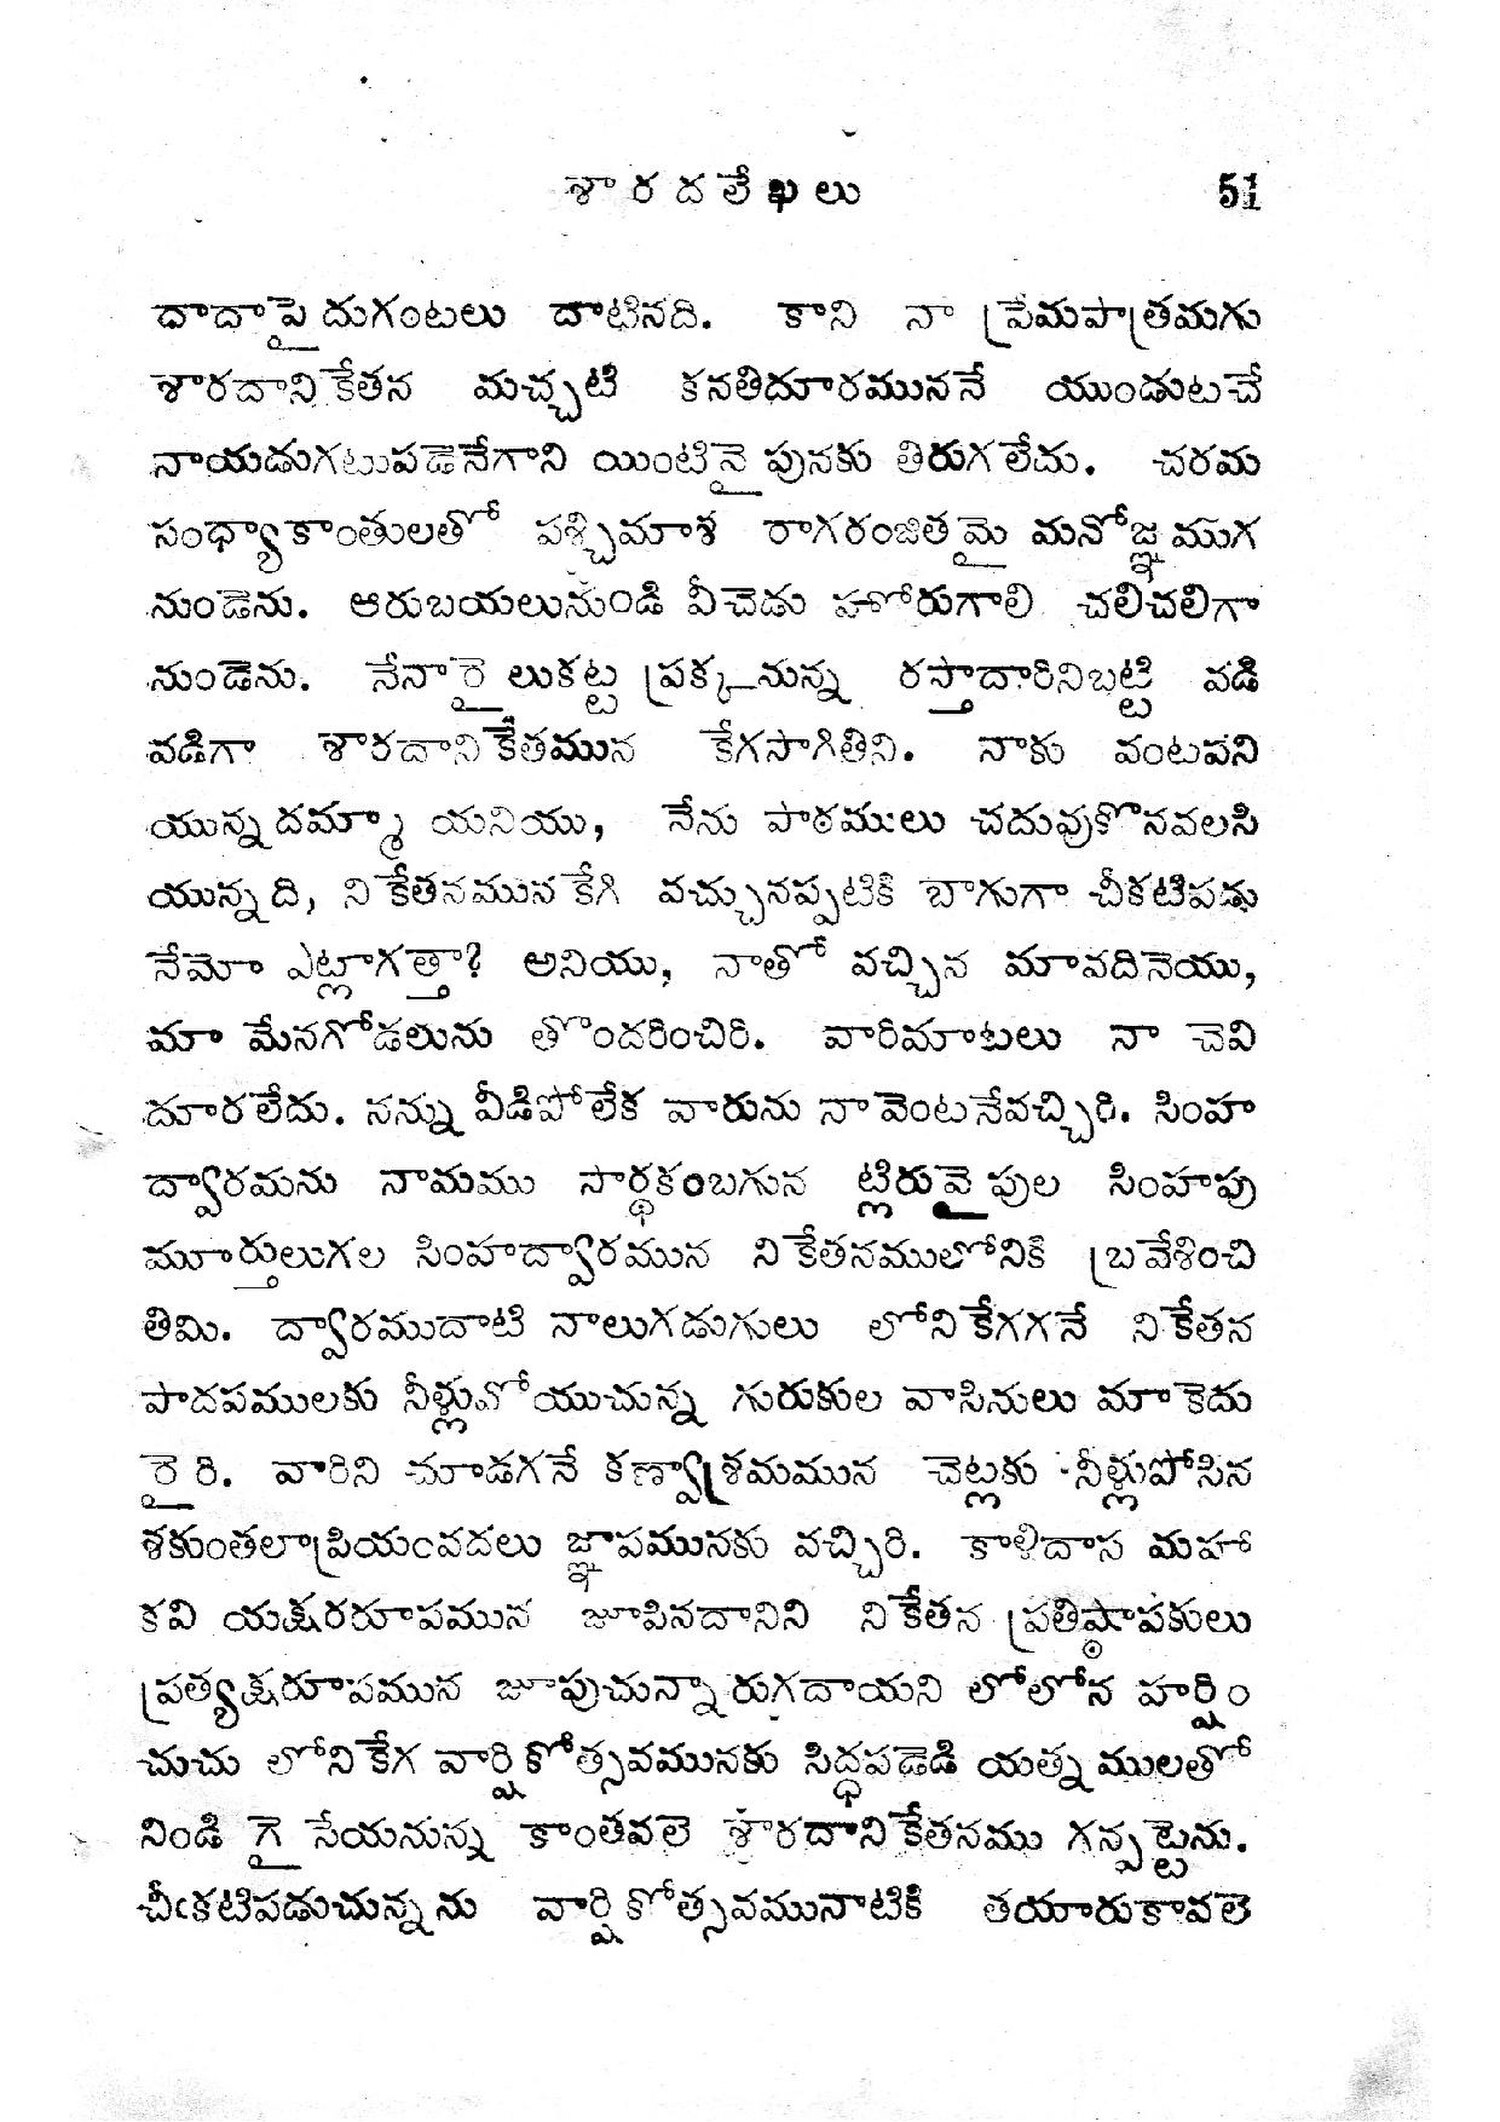దాదాపైదుగంటలు దాటినది. కాని నా ప్రేమపాత్రమగు శారదానికేతన మచ్చటి కనతిదూరముననే యుండుటచే నాయడుగటుపడెనేగాని యింటివైపునకు తిరుగులేదు. చరమ సంధ్యాకాంతులతో పశ్చిమాశ రాగరంజితమై మనోజ్ఞముగ నుండెను. ఆరుబయలునుండి వీచెడు హోరుగాలి చలిచలిగా నుండెను. నేనారైలుకట్ట ప్రక్కనున్న రప్తాదారినిబట్టి వడివడిగా శారదానికేతమున కేగసాగితిని. నాకు వంటపని
యున్నదమ్మా యనియు, నేను పాఠములు చదువుకొనవలసి యున్నది, నికేతనమునకేగి వచ్చునప్పటికి బాగుగా చీకటిపడునేమో ఎట్లాగత్తా? అనియు, నాతో వచ్చిన మావదినెయు, మా మేనగోడలును తొందరించిరి. వారిమాటలు నా చెవి దూరలేదు. నన్ను వీడిపోలేక వారును నావెంటనేవచ్చిరి. సింహ
ద్వారమను నామము సార్థకంబగున ట్లిరువైపుల సింహపు మూర్తులుగల సింహద్వారమున నికేతనములోనికి బ్రవేశించితిమి. ద్వారముదాటి నాలుగడుగులు లోనికేగగనే నికేతన పాదపములకు నీళ్లువోయుచున్న గురుకుల వాసినులు మాకెదురైరి. వారిని చూడగనే కణ్వాశ్రమమున చెట్లకు నీళ్లుపోసిన
శకుంతలాప్రియంవదలు జ్ఞాపమునకు వచ్చిరి. కాళిదాస మహాకవి యక్షరరూపమున జూపినదానిని నికేతన ప్రతిష్ఠాపకులు ప్రత్యక్షరూపమున జూపుచున్నారుగదాయని లోలోన హర్షించుచు లోనికేగ వార్షికోత్సవమునకు సిద్ధపడెడి యత్నములతో నిండి గై సేయనున్న కాంతవలె శారదానికేతనము గన్పట్టెను. చీఁకటిపడుచున్నను వార్షికోత్సవమునాటికి తయారుకావలె